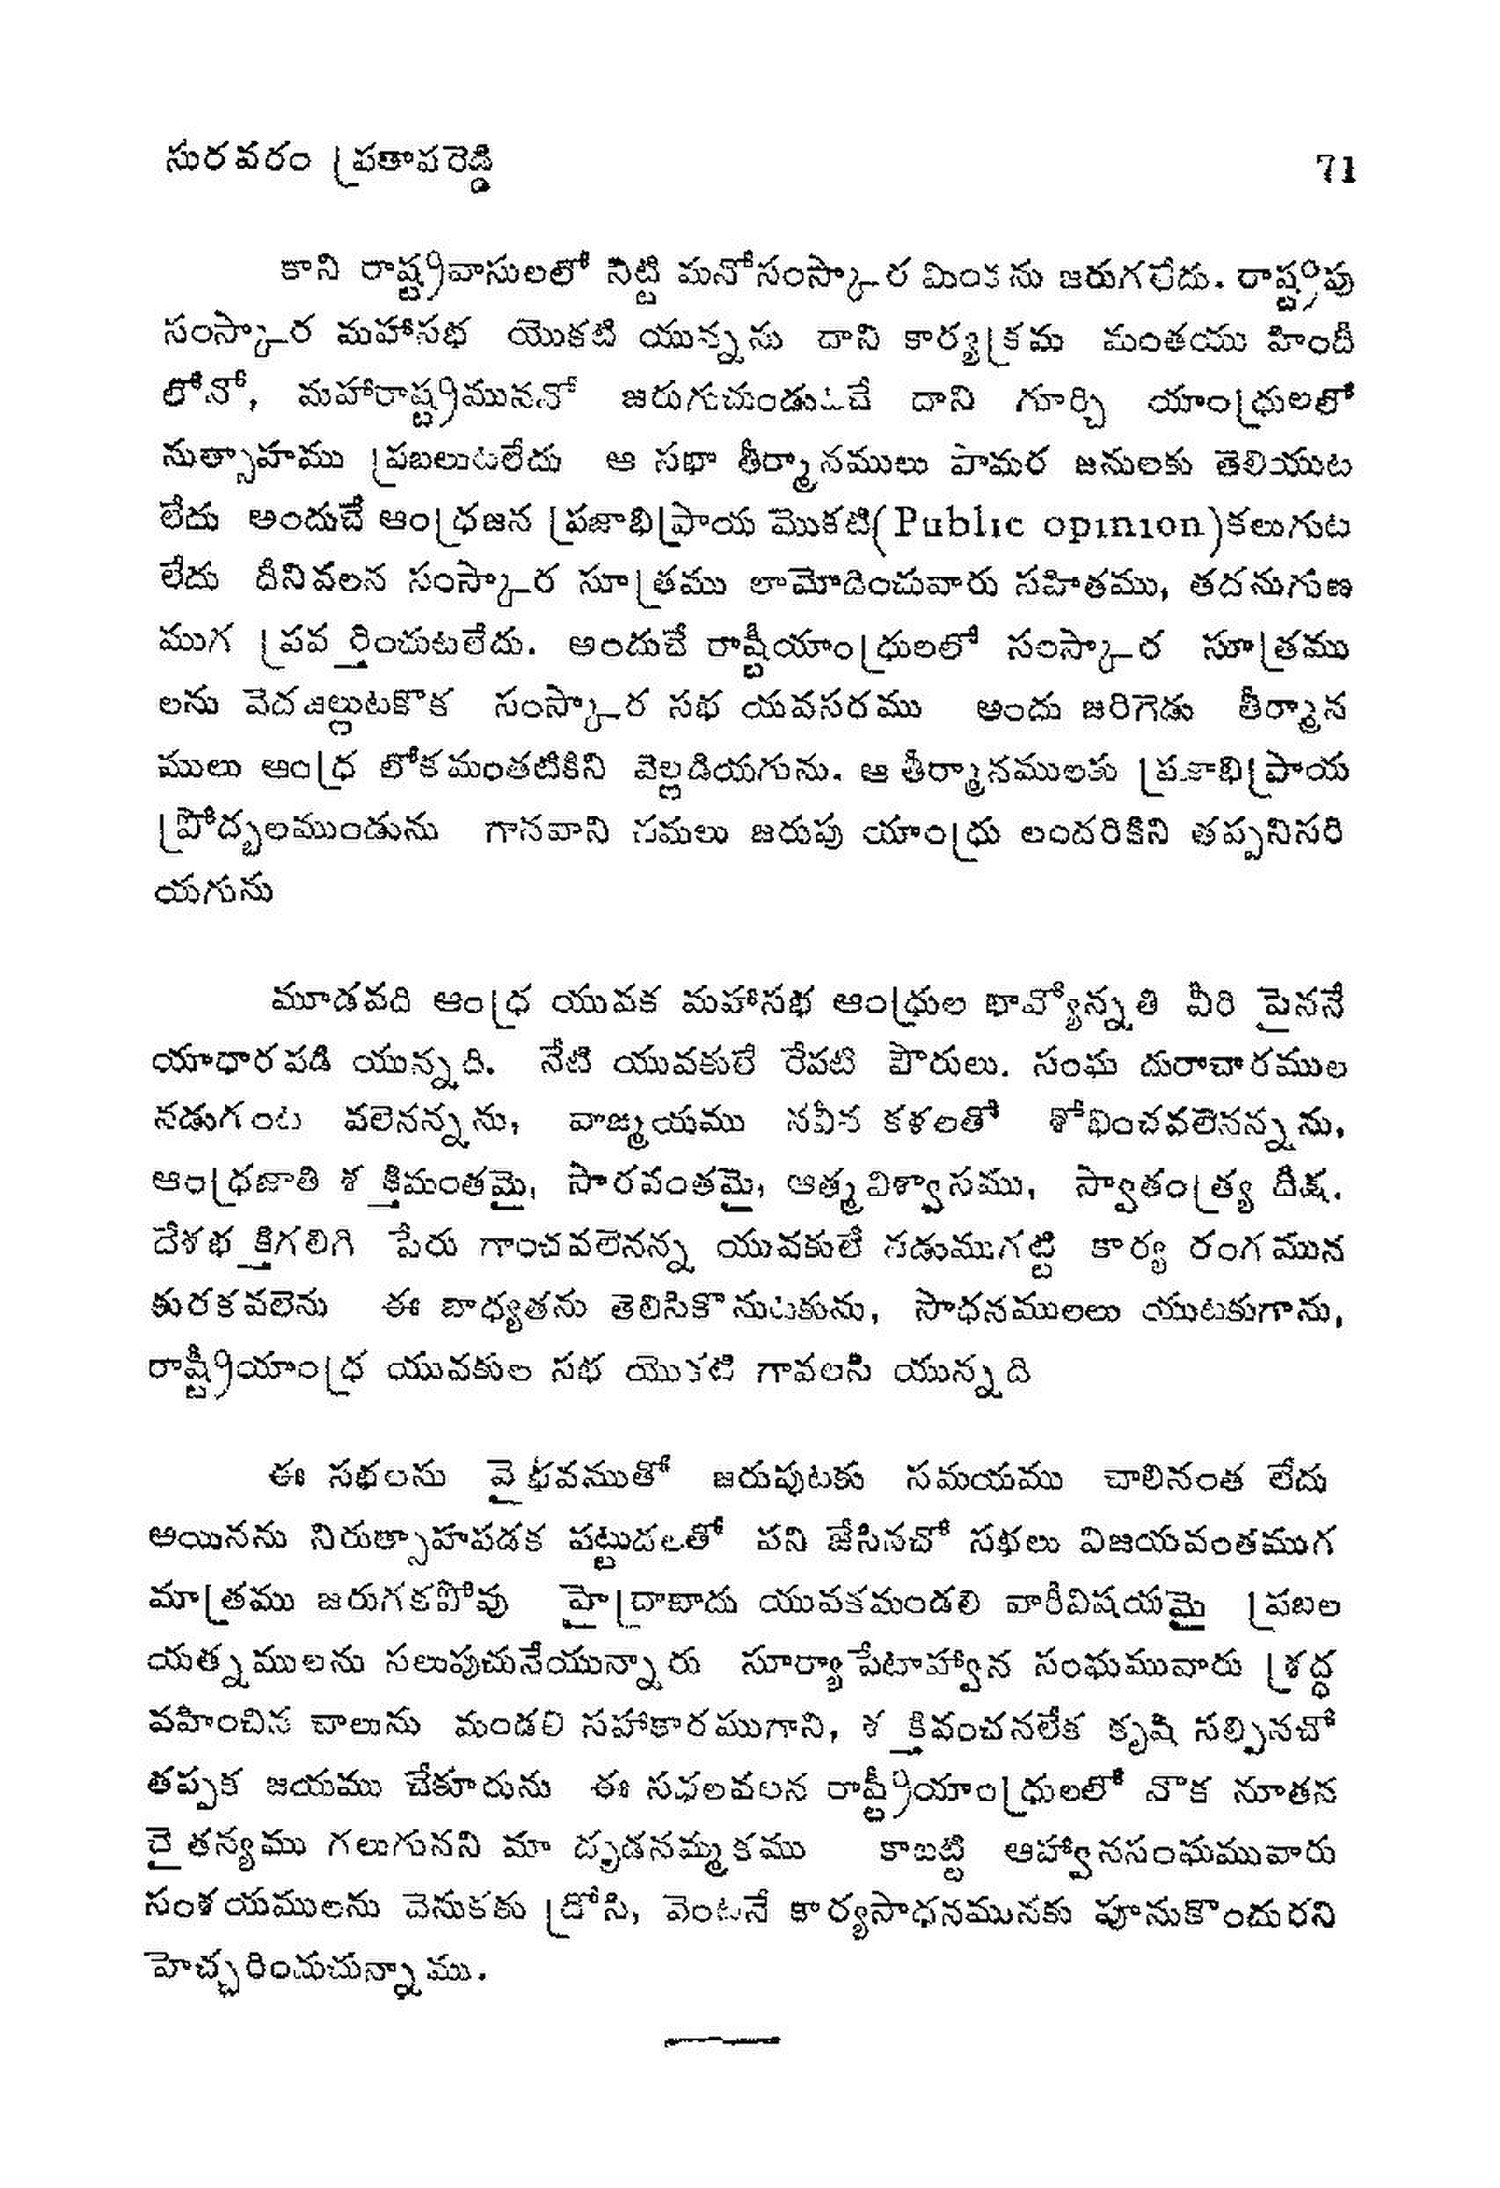కాని రాష్ట్రవాసులలో నిట్టి మనోసంస్కార మింకను జరుగలేదు. రాష్ట్రపు సంస్కార మహాసభ యొకటి యున్నను దాని కార్యక్రమ మంతయు హిందీలోనో, మహారాష్ట్రముననో జరుగుచుండుటచే దాని గూర్చి యాంధ్రులలో
నుత్సాహము ప్రబలుటలేదు ఆ సభా తీర్మానములు పామర జనులకు తెలియుట లేదు అందుచే ఆంధ్రజన ప్రజాభిప్రాయ మొకటి (Public opinion) కలుగుట లేదు దీనివలన సంస్కార సూత్రము లామోదించువారు సహితము, తదనుగుణముగ ప్రవర్తించుటలేదు. అందుచే రాష్ట్రీయాంధ్రులలో సంస్కార సూత్రములను వెదజల్లుటకొక సంస్కార సభ యవసరము అందు జరిగెడు తీర్మానములు ఆంధ్ర లోకమంతటికిని వెల్లడియగును. ఆ తీర్మానములకు ప్రజాభిప్రాయ ప్రోద్బలముండును గానవాని నమలు జరుపు యాంధ్రు లందరికిని తప్పనిసరి
యగును

మూడవది ఆంధ్ర యువక మహాసభ ఆంధ్రుల భావ్యోన్నతి వీరి పైననే యాధారపడి యున్నది. నేటి యువకులే రేపటి పౌరులు. సంఘ దురాచారముల నడుగంట వలెనన్నను, వాఙ్మయము నవీన కళలతో శోభించవలెనన్నను,
ఆంధ్రజాతి శక్తిమంతమై, సారవంతమై, ఆత్మవిశ్వాసము, స్వాతంత్ర్య దీక్ష, దేశభక్తిగలిగి పేరు గాంచవలెనన్న యువకులే నడుముగట్టి కార్యరంగమున కురకవలెను ఈ బాధ్యతను తెలిసికొనుటకును, సాధనములలు యుటకుగాను, రాష్ట్రీయాంధ్ర యువకుల సభ యొకటి గావలసి యున్నది

ఈ సభలను వైభవముతో జరుపుటకు సమయము చాలినంత లేదు అయినను నిరుత్సాహపడక పట్టుదలతో పని జేసినచో సభలు విజయవంతముగ మాత్రము జరుగకపోవు హైద్రాబాదు యువకమండలి వారివిషయమై ప్రబల
యత్నములను సలుపుచునేయున్నారు. సూర్యాపేటాహ్వాన సంఘమువారు శ్రద్దవహించిన చాలును మండలి సహాకారముగాని, శక్తివంచనలేక కృషి సల్పినచో తప్పక జయము చేకూరును ఈ సభలవలన రాష్ట్రీయాంధ్రులలో నొక నూతన చైతన్యము గలుగునని మా దృడనమ్మకము కాబట్టి ఆహ్వానసంఘమువారు సంశయములను వెనుకకు ద్రోసి, వెంటనే కార్యసాధనమునకు పూనుకొందురని హెచ్చరించుచున్నాము.